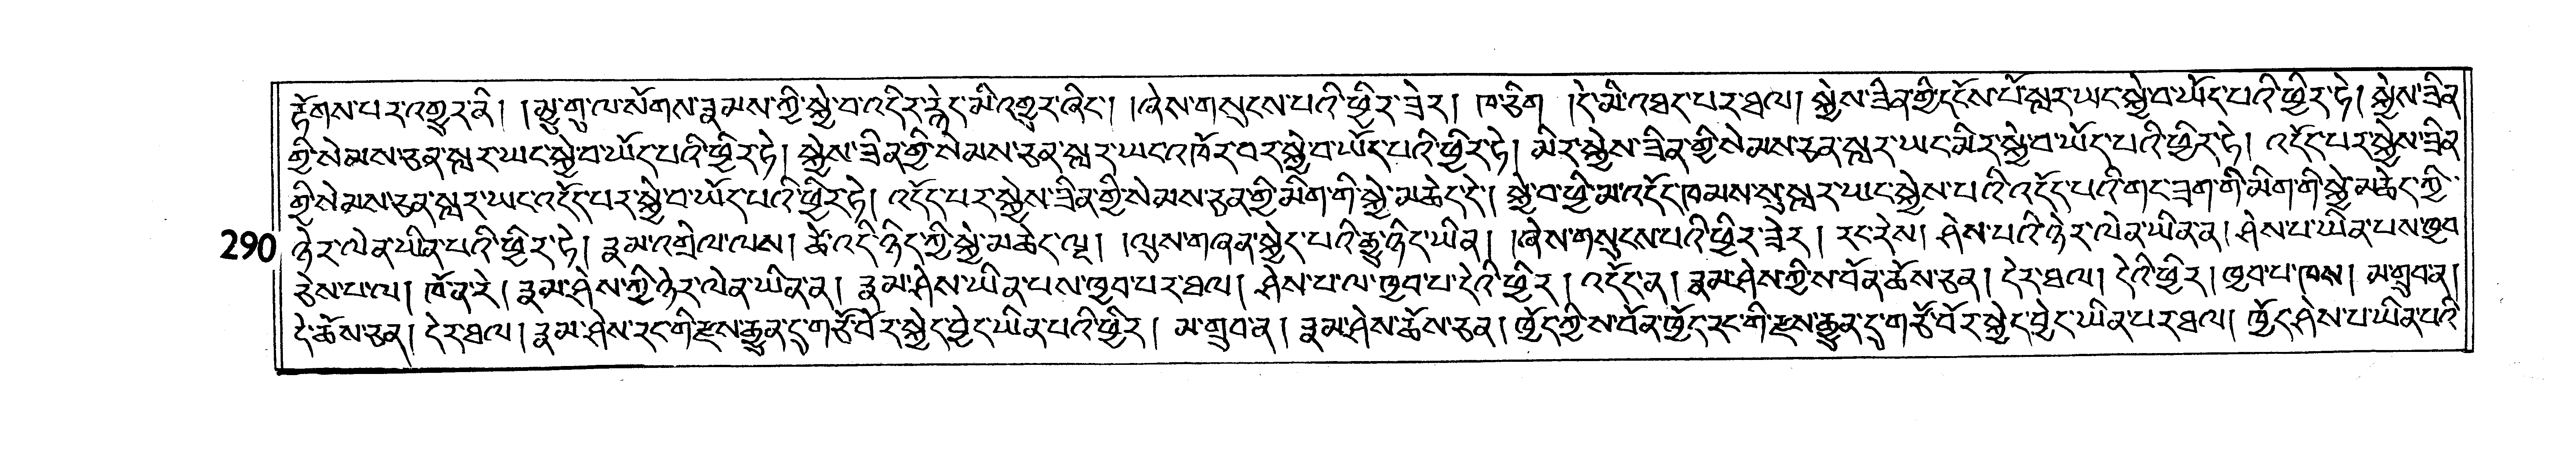རྟོགས་པར་འགྱུར་ནི། །མྱུ་གུ་ལ་སོགས་རྣམས་ཀྱི་སྐྱེ་བ་འདིར་རྙེད་མི་འགྱུར་ཞིང་། །ཞེས་གསུངས་པའི་ཕྱིར་ཟེར། ཁ་ཅིག །དེ་མི་འཐད་པར་ཐལ། སྐྱེས་ཟིན་གྱི་དངོས་པོ་སླར་ཡང་སྐྱེ་བ་ཡོད་པའི་ཕྱིར་ཏེ། སྐྱེས་ཟིན་
གྱི་སེམས་ཅན་སླར་ཡང་སྐྱེ་བ་ཡོད་པའི་ཕྱིར་ཏེ། སྐྱེས་ཟིན་གྱི་སེམས་ཅན་སླར་ཡང་འཁོར་བར་སྐྱེ་བ་ཡོད་པའི་ཕྱིར་ཏེ། མིར་སྐྱེས་ཟིན་གྱི་སེམས་ཅན་སླར་ཡང་མིར་སྐྱེ་བ་ཡོད་པའི་ཕྱིར་ཏེ། འདོད་པར་སྐྱེས་ཟིན་
གྱི་སེམས་ཅན་སླར་ཡང་འདོད་པར་སྐྱེ་བ་ཡོད་པའི་ཕྱིར་ཏེ། འདོད་པར་སྐྱེས་ཟིན་གྱི་སེམས་ཅན་གྱི་མིག་གི་སྐྱེ་མཆེད་དེ། སྐྱེ་བ་ཕྱི་མ་འདོད་ཁམས་སུ་སླར་ཡང་སྐྱེས་པའི་འདོད་པའི་གང་ཟག་གི་མིག་གི་སྐྱེ་མཆེད་ཀྱི་
ཉེར་ལེན་ཡིན་པའི་ཕྱིར་ཏེ། རྣམ་འགྲེལ་ལས། ཚེ་འདི་ཉིད་ཀྱི་སྐྱེ་མཆེད་ལྔ། །ལུས་གཞན་སྐྱེད་པའི་རྒྱུ་ཉིད་ཡིན། །ཞེས་གསུངས་པའི་ཕྱིར་ཟེར། རང་རེས། ཤེས་པའི་ཉེར་ལེན་ཡིན་ན། ཤེས་པ་ཡིན་པས་ཁྱབ་
ཅེས་པ་ལ། ཁོ་ན་རེ། རྣམ་ཤེས་ཀྱི་ཉེར་ལེན་ཡིན་ན། རྣམ་ཤེས་ཡིན་པས་ཁྱབ་པར་ཐལ། ཤེས་པ་ལ་ཁྱབ་པ་དེའི་ཕྱིར། འདོད་ན། རྣམ་ཤེས་ཀྱི་ས་བོན་ཆོས་ཅན། དེར་ཐལ། དེའི་ཕྱིར། ཁྱབ་པ་ཁས། མ་གྲུབ་ན།
དེ་ཆོས་ཅན། དེར་ཐལ། རྣམ་ཤེས་རང་གི་རྫས་རྒྱུན་དུ་གཙོ་བོར་སྐྱེད་བྱེད་ཡིན་པའི་ཕྱིར། མ་གྲུབ་ན། རྣམ་ཤེས་ཆོས་ཅན། ཁྱོད་ཀྱི་ས་བོན་ཁྱོད་རང་གི་རྫས་རྒྱུན་དུ་གཙོ་བོར་སྐྱེད་བྱེད་ཡིན་པར་ཐལ། ཁྱོད་ཤེས་པ་ཡིན་པའི་